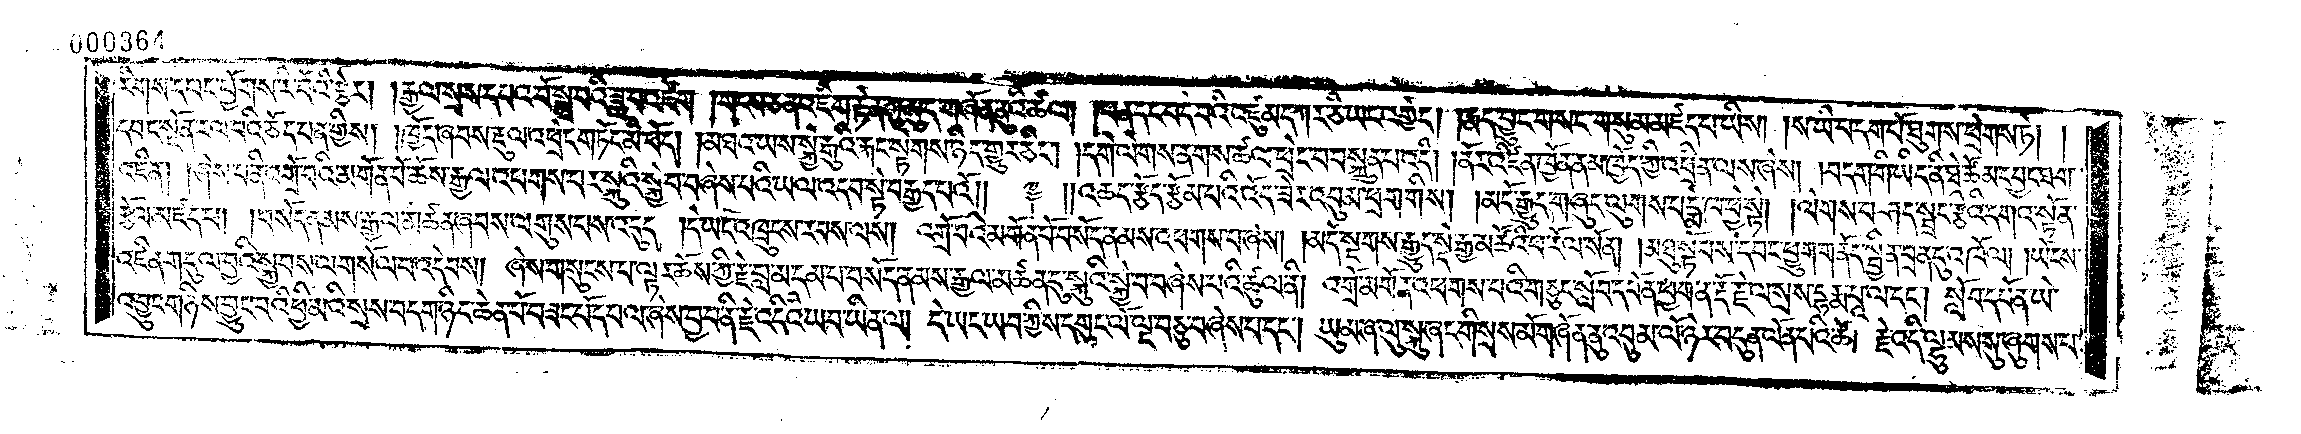རིགས་དབང་ཕྱོགས་རི་བོའི་རྩེར། །རྒྱལ་སྲས་དཔའ་པོ་སྨྲ་བའི་ཟླ་བ་འཛེག །གངས་ཅན་འཇིག་རྟེན་ཀུ་མུད་གཞོན་ནུའི་ཚལ། །ཕན་དང་བདེ་བའི་འཛུམ་དཀར་ཅི་ཡང་འགྱེད། །རྨད་བྱུང་གསང་གསུམ་མཛད་པ་ཡིས། །ས་ཡི་བདག་པོ་ཐུགས་ཕྲེགས་ཏེ། །
དབང་སྔོན་རལ་བའི་ཅོད་པན་གྱིས། །ཁྱོད་ཞབས་རྡུལ་འཕྲེང་གཏོང་མི་ཕོད། །མཐའ་ཡས་སྐྱེ་རྒུའི་རྐང་སྟེགས་ཉིད་གྱུར་ཅིང་། །དགེ་ལེགས་ནགས་ཚལ་ཕྲེང་བ་བསྐྲུན་པ་འདི། །ནོར་འཛིན་ཁྱོན་ནམ་ཁྱོད་ཀྱི་འཕྲིན་ལས་ཞེས། །བདག་གི་ཡིད་ནི་ཐེ་ཚོམ་དཔྱང་ཐག་
འཛིན། །ཞེས་པ་ནི་འགྲོ་བའི་མགོན་པོ་ཆོས་རྒྱལ་འཕགས་བར་སྐུའི་སྐྱེ་བ་བཞེས་པའི་ཡལ་འདབ་སྟེ་བརྒྱད་པའོ།། ༈ །།འཆད་རྩོད་རྩོམ་པའི་འོད་ཟེར་འབུམ་ཕྲག་གིས། །མདོ་རྒྱུད་གཞུང་ལུགས་པདམ་ཁ་ཕྱེ་སྟེ། །ལེགས་བཤད་སྦྲང་རྩིའི་དགའ་སྟོན་
རྩོལ་མཛད་པ། །བསོད་ནམས་རྒྱལ་མཚན་ཞབས་ལ་གུས་པས་འདུད་།དེ་ཡང་འཁྲུངས་རབས་ལས། འགྲོ་བའི་མགོན་པོ་བསོད་ནམས་འཕགས་པ་ཞེས། །མདོ་སྔགས་རྒྱུད་སྡེ་རྒྱ་མཚོའི་ཕ་རོལ་སོན། །མཐུ་སྟོབས་དབང་ཕྱུག་གནོད་སྦྱིན་བྲན་དུ་འཁོལ། །ཡོངས་
འཛིན་གདུལ་བྱའི་སྐྱབས་ལ་གསོལ་བ་འདེབས། ཞེས་གསུངས་པ་ལྟར་ཆོས་ཀྱི་རྗེ་བླ་མ་དམ་པ་བསོད་ནམས་རྒྱལ་མཚན་དུ་སྐུའི་སྐྱེ་བ་བཞེས་པའི་ཚུལ་ནི། འགྲོ་མགོན་འཕགས་པའི་གཅུང་སློབ་དཔོན་ཕྱག་ན་རྡོ་རྗེ་ལ་སྲས་དྷརྨ་པཱ་ལ་དང་། སློབ་དཔོན་ཡེ་
འབྱུང་གཉིས་བྱུང་བའི་ཕྱི་མའི་སྲས་བདག་ཉིད་ཆེན་པོ་བཟང་པོ་དཔལ་ཞེས་བྱ་བ་ནི་རྗེ་འདིའི་ཡབ་ཡིན་ལ། དེ་ཡང་ཡབ་ཀྱིས་དགུང་ལོ་ལྔ་བཅུ་བཞེས་པ་དང་། ཡུམ་ཞ་ལུ་སྐུ་ཞང་གི་སྲས་མོ་གཞོན་ནུ་འབུམ་ལོ་ཉེར་བདུན་ལོན་པའི་ཚེ། རྗེ་འདི་ལྷུམས་སུ་ཞུགས་པར་